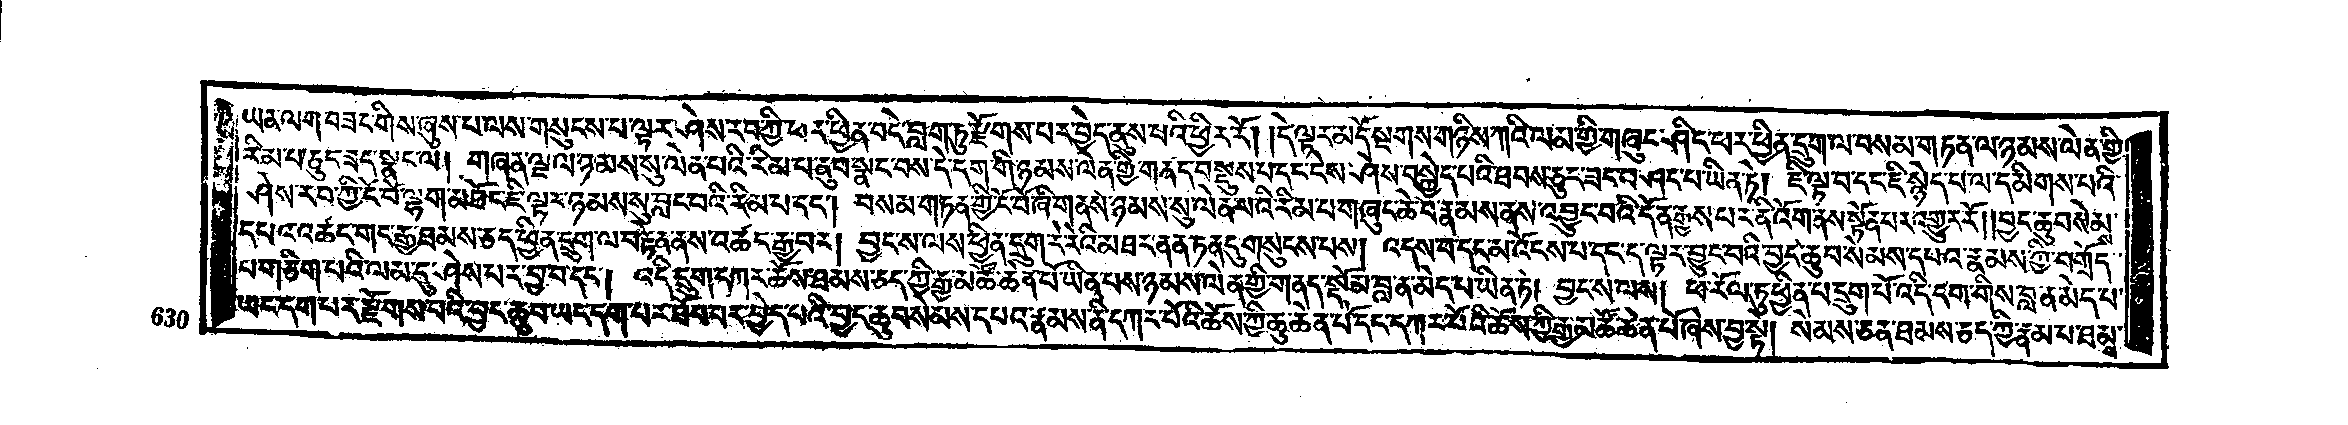ཡང་ལག་བཟང་གིས་ཞུས་པ་ལས་གསུངས་པ་ལྟར་ཤེས་རབ་ཀྱི་ཕར་ཕྱིན་བདེ་བླག་ཏུ་རྫོགས་པར་བྱེད་ནུས་པའི་ཕྱིར་རོ། །དེ་ལྟར་མདོ་སྔགས་གཉིས་ཀའི་ལམ་གྱི་གཞུང་ཤིང་ཕར་ཕྱིན་དྲུག་ལ་བསམ་གཏན་ལ་ཉམས་ལེན་གྱི་
རིམ་པ་ཅུང་ཟད་སྣང་ལ། གཞན་ལྔ་ལ་ཉམས་སུ་ལེན་པའི་རིམ་པ་ནུབ་སྣང་བས་དེ་དག་གི་ཉམས་ལེན་གྱི་གནད་བསྡུས་པ་དང་ངེས་ཤེས་བསྐྱེད་པའི་ཐབས་ཅུང་ཟད་བཤད་པ་ཡིན་ཏེ། ཇི་ལྟ་བ་དང་ཇི་སྙེད་པ་ལ་དམིགས་པའི་
ཤེས་རབ་ཀྱི་ངོ་བོ་ལྷག་མཐོང་ཇི་ལྟར་ཉམས་སུ་བླང་བའི་རིམ་པ་དང་། བསམ་གཏན་གྱི་ངོ་བོ་ཞི་གནས་ཉམས་སུ་ལེན་པའི་རིམ་པ་གཞུང་ཆེ་བ་རྣམས་ནས་འབྱུང་བའི་དོན་རྒྱས་པར་ནི་འོག་ནས་སྟོན་པར་འགྱུར་རོ། །བྱང་ཆུབ་སེམས་
དཔའ་འཚང་གང་རྒྱ་ཐམས་ཅད་ཕྱིན་དྲུག་ལ་བརྟེན་ནས་འཚང་རྒྱ་བར། བྱང་ས་ལས་ཕྱིན་དྲུག་རེ་རེའི་མཐར་ནན་ཏན་དུ་གསུངས་པས། འདས་པ་དང་མ་འོངས་པ་དང་ད་ལྟར་བྱུང་བའི་བྱང་ཆུབ་སེམས་དཔའ་རྣམས་ཀྱི་བགྲོད་
པ་གཅིག་པའི་ལམ་དུ་ཤེས་པར་བྱ་བ་དང་། འདི་དྲུག་དཀྲ་ཆོས་ཐམས་ཅད་ཀྱི་རྒྱ་མཚོ་ཆེན་པོ་ཡིན་པས་ཉམས་ལེན་གྱི་གནད་སྡོམ་བླ་ན་མེད་པ་ཡིན་ཏེ། བྱང་ས་ལས། ཕ་རོལ་ཏུ་ཕྱིན་པ་དྲུག་པོ་འདི་དག་གིས་བླ་ན་མེད་པ་
ཡང་དག་པར་རྫོགས་པའི་བྱང་ཆུབ་ཡང་དག་པར་ཐོབ་པར་བྱེད་པའི་བྱང་ཆུབ་སེམས་དཔའ་རྣམས་ནི་དཀར་པོའི་ཆོས་ཀྱི་ཆུ་ཆེན་པོ་དང་དཀར་པོའི་ཆོས་ཀྱི་རྒྱ་མཚོ་ཆེན་པོ་ཞེས་བྱ་སྟེ། སེམས་ཅན་ཐམས་ཅད་ཀྱི་རྣམ་པ་ཐམས་